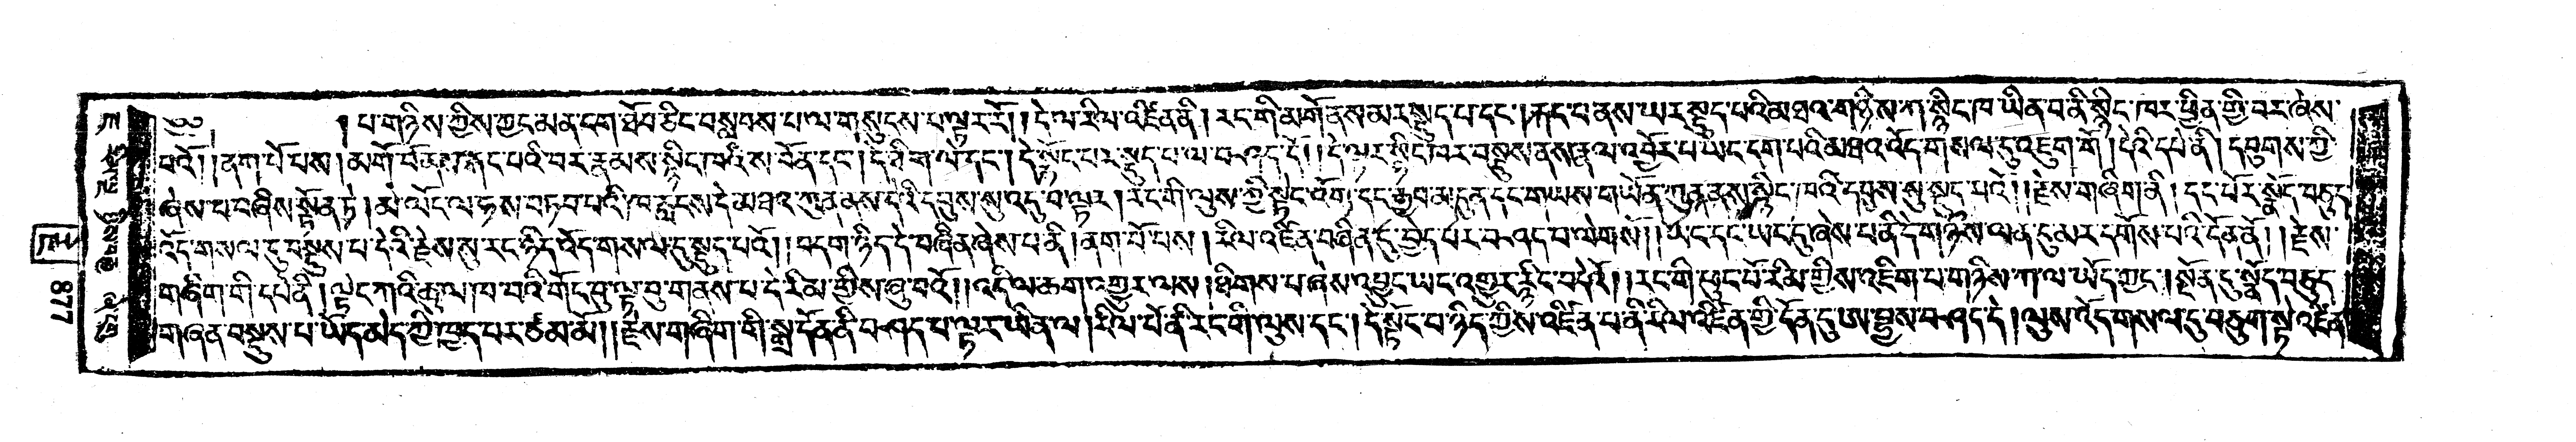༄༅། །པ་གཉིས་ཀྱིས་ཀྱང་མན་ངག་ཐོབ་ཅིང་བསླབས་པ་ལ་གསུངས་པ་ལྟར་རོ། །དེ་ལ་རིལ་འཛིན་ནི། རང་གི་མགོ་ནས་མར་སྡུད་པ་དང་། རྐང་པ་ནས་ཡར་སྡུད་པའི་མཐའ་གཉིས་ཀ་སྙིང་ཁ་ཡིན་པ་ནི་སྙིང་ཁར་ཕྱིན་གྱི་བར་ཞེས་
པའོ། །ནག་པོ་པས། མགོ་བོ་ནས་རྐང་པའི་བར་རྣམས་སྙིང་ཁའི་ས་བོན་དག། དེ་ཐིག་ལེ་དང་། དེ་སྟོང་པར་སྡུད་པ་ལ་བཤད་དོ། །དེ་ལྟར་སྙིང་ཁར་བསྡུས་ནས་རྣལ་འབྱོར་པ་ཡང་དག་པའི་མཐའ་འོད་གསལ་དུ་འཇུག་གོ །དེའི་དཔ་ནི། དབུགས་ཀྱི་
ཞེས་པ་བཞིས་སྟོན་ཏེ། མེ་ལོང་ལ་ཧས་བཏབ་པའི་ཁ་རླངས་དེ་མཐའ་ཀུན་ནས་དེའི་དབུས་སུ་འདུ་བ་ལྟར། རང་གི་ལུས་ཀྱི་སྟེང་འོད་དང་རྒྱབ་མདུན་དང་གཡས་གཡོན་ཀུན་ནས་སྙིང་ཁའི་དབུས་སུ་སྡུད་པའོ། །རྗེས་གཞིག་ནི། དང་པོར་སྣོད་བཅུད་
འོད་གསལ་དུ་བསྡུས་པ་དེའི་རྗེས་སུ་རང་ཉིད་འོད་གསལ་དུ་སྡུད་པའོ། །བདག་ཉིད་དེ་བཞིན་ཞེས་པ་ནི། ནག་པོ་པས། རིལ་འཛིན་བཞིན་དུ་བྱེད་པར་བཤད་པ་ལེགས་སོ། །ཡང་དག་ཡང་དུ་ཞེས་པ་ནི་དེ་གཉིས་ལན་དུ་མར་དགོས་པའི་དོན་ནོ། །རྗེས་
གཞིག་གི་དཔེ་ནི། ལྟེང་ཀའི་ཆུ་ལ་ཁ་པའི་གོང་དུ་ལྟ་བུ་གནས་པ་དེ་རིམ་གྱིས་ཞུ་བའོ། །འདི་ལ་ཆ་ག་འགྱུར་ལས། ཐིགས་པ་ཞེས་འབྱུང་ཡང་འགྱུར་རྙིང་བདེའོ། །རང་གི་ཕུང་པོ་རིམ་གྱིས་འཇིག་པ་གཉིས་ཀ་ལ་ཡོད་ཀྱང་། སྔོན་དུ་སྣོད་བཅུད་
གཞན་བསྡུས་པ་ཡོད་མེད་ཀྱི་ཁྱད་པར་ཙམ་མོ། །རྗེས་གཞིག་གི་སྒྲ་དོན་ནི་བཤད་པ་ལྟར་ཡིན་ལ། རིལ་པོ་ནི་རང་གི་ལུས་དང་། དེ་སྟོང་པ་ཉིད་ཀྱིས་འཛིན་པ་ནི་རིལ་འཛིན་གྱི་དོན་དུ་ཨ་བྷཡས་བཤད་དེ། ལུས་འོད་གསལ་དུ་བཅུག་སྟེ་འཛིན་